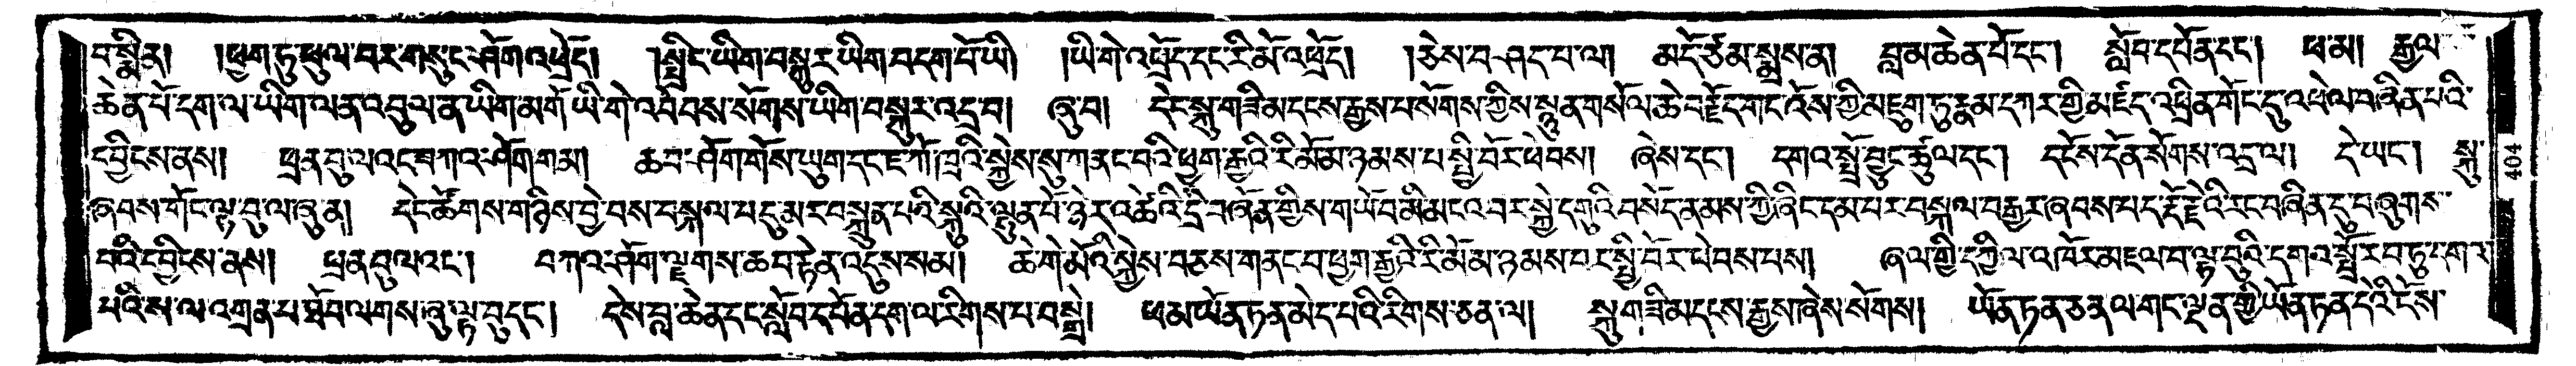བ་སྨིན། །ཕྱག་ཏུ་ཕུལ་བར་གསུང་ཤོག་འཕྲོད། །སྤྲིང་ཡིག་བསྐུར་ཡིག་བདག་པོ་ཡི། །ཡི་གེ་འཕྲོད་དང་རི་མོ་འཕྲོད། །ཅེས་བཤད་པ་ལ། མདོ་ཙམ་སྨྲས་ན། བླ་མ་ཆེན་པོ་དང་། སློབ་དཔོན་དང་། ཕ་མ། རྒྱལ་
ཆེན་པོ་དག་ལ་ཡིག་ལན་འབུལ་ན་ཡིག་མགོ་ཡི་གེ་འབེབས་སོགས་ཡིག་བསྐུར་འདྲ་བ། ཞུ་བ། དེང་སྐུ་གཟི་མདངས་རྒྱས་པ་སོགས་ཀྱིས་སྙུན་གསོལ་ཆེ་བརྗོད་གང་འོས་ཀྱི་འཇུག་ཏུ་རྣམ་དཀར་གྱི་མཛད་འཕྲིན་གོང་དུ་འཕེལ་བཞིན་པའི་
དབྱིངས་ནས། ཕྲན་བུ་ལའང་བཀའ་ཤོག་གམ། ཆབ་ཤོག་གིས་ཡུལ་དང་ཇ་ཀོ་ཁྲའི་སྐྱེས་སུ་ཀ་ནང་བའི་ཕྱག་རྒྱའི་རི་མོ་མཉམས་པ་སྤྱི་བོར་ཕེབས། ཞེས་དང་། དགའ་སྤྲོ་བྱུང་ཚུལ་དང་། དངོས་དོན་སོགས་འདྲ་ལ། དེ་ཡང་། སྐུ་
ཞབས་གོང་ལྟ་བུ་ལ་ཞུན། དེང་ཚོགས་གཉིས་བྱེ་བས་བསྐལ་བདུ་མར་བསྐྲུན་པའི་སྐུའི་ལྷུན་པོ་ཉེར་འཚེའི་དྲི་བཞོན་གྱིས་གཡོ་བ་མི་མངའ་བར་སྐྱེ་དགུའི་བསོད་ནམས་ཀྱི་ཞིང་དམ་པར་བསྐལ་བརྒྱར་ཞབས་པད་རྡོ་རྗེའི་རང་བཞིན་དུ་བཞུགས་
བའི་དབྱིངས་ནས། ཕྲན་བུ་ལའང་། བཀའ་ཤོག་ལྗགས་ཆ་བརྟེན་འདུས་སམ། ཆེ་གེ་མོའི་སྐྱེས་བཅས་གནང་པ་ཕྱག་རྒྱའི་རི་མོ་མ་ཉམས་པར་སྤྱི་བོར་ཕེབས་པས། ཞལ་གྱི་དཀྱིལ་འཁོར་མཇལ་བ་ལྟ་བུའི་དགའ་སྤྲོ་རབ་ཏུ་དགའ་
པའི་ས་ལ་འགྲན་པ་ཐོབ་ལགས་ཞུ་ལྟ་བུ་དང་། དེས་བླ་ཆེན་དང་སློབ་དཔོན་དག་ལ་རིགས་པ་བསྒྲེ། ཕམ་ཡོན་ཏན་མེད་པའི་རིགས་ཅན་ལ། སྐུ་གཟི་མདངས་རྒྱས་ཞེས་སོགས། ཡོན་ཏན་ཅན་ལ་གང་ལྡན་གྱི་ཡོན་ཏན་དེའི་ངོས་